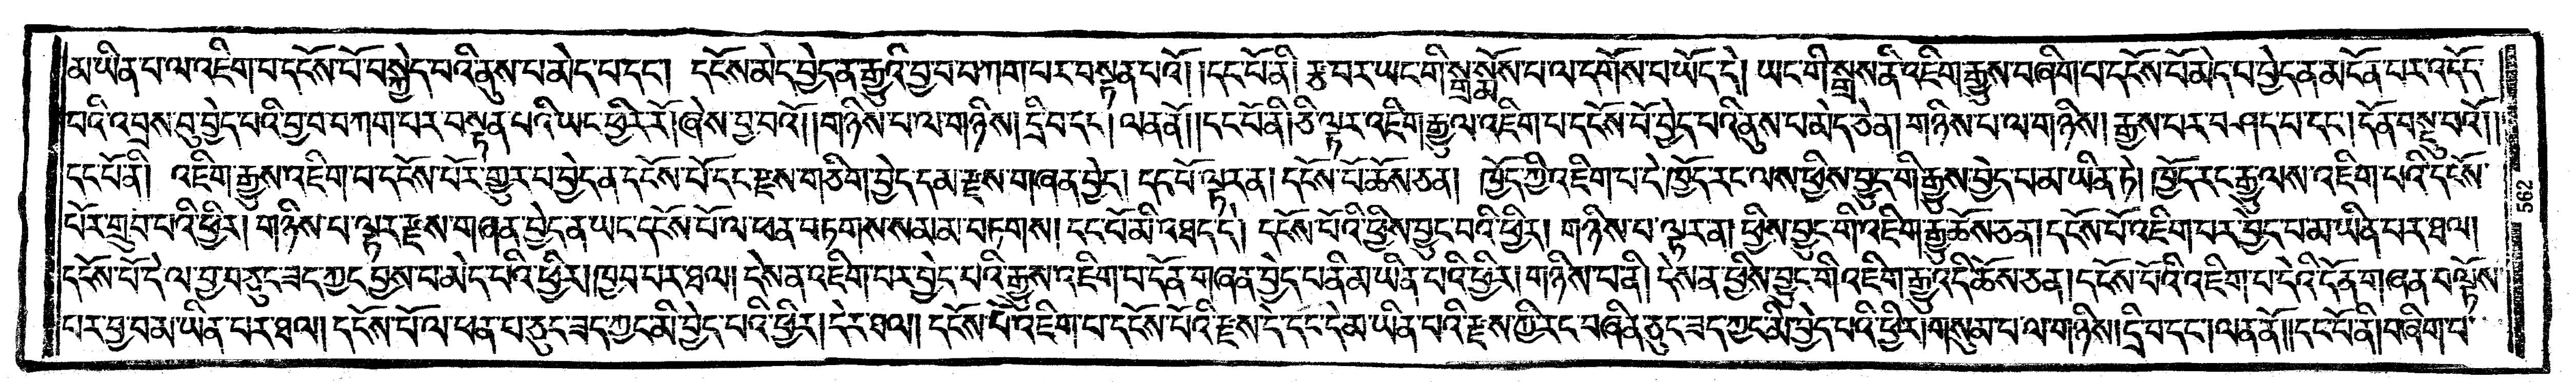མ་ཡིན་པ་ལ་འཇིག་པ་དངོས་པོ་བསྐྱེད་པའི་ནུས་པ་མེད་པ་དང་། དངོས་མེད་བྱེད་ན་རྒྱུའི་བྱ་བ་བཀག་པར་བསྟན་པའོ། །དང་པོ་ནི། རྩ་བར་ཡང་གི་སྒྲ་སྨོས་པ་ལ་དགོས་པ་ཡོད་དེ། ཡང་གི་སྒྲས་ནི་འཇིག་རྒྱུས་བཞིག་པ་དངོས་པོ་མེད་པ་བྱེད་ན་མངོན་པར་འདོད་
པའི་འབྲས་བུ་བྱེད་པའི་བྱ་བ་བཀག་པར་བསྟན་པའི་ཡང་ཕྱིར་རོ། ཞེས་བྱ་བའོ། །གཉིས་པ་ལ་གཉིས། དྲི་བ་དང་། ལན་ནོ། །དང་པོ་ནི། ཅི་ལྟར་འཇིག་རྒྱུ་ལ་འཇིག་པ་དངོས་པོ་བྱེད་པའི་ནུས་པ་མེད་ཅེ་ན། གཉིས་པ་ལ་གཉིས། རྒྱས་པར་བཤད་པ་དང་། དོན་བསྡུ་བའོ།།
དང་པོ་ནི། འཇིག་རྒྱུས་འཇིག་པ་དངོས་པོར་གྱུར་བ་བྱེད་ན་དངོས་པོ་དང་རྫས་གཅིག་བྱེད་དམ་རྫས་གཞན་བྱེད། དང་པོ་ལྟར་ན། དངོས་པོ་ཆོས་ཅན། ཁྱོད་ཀྱི་འཇིག་པ་དེ་ཁྱོད་རང་ལས་ཕྱིས་བྱུང་གི་རྒྱུས་བྱེད་པ་མ་ཡིན་ཏེ། ཁྱོད་རང་རྒྱུ་ལས་འཇིག་པའི་དངོས་
པོར་གྲུབ་པའི་ཕྱིར། གཉིས་པ་ལྟར་རྫས་གཞན་བྱེད་ན་ཡང་དངོས་པོ་ལ་ཕན་བཏགས་སམ་མ་བཏགས། དང་པོ་མི་འཐད་དེ། དངོས་པོའི་ཕྱིས་བྱུང་བའི་ཕྱིར། གཉིས་པ་ལྟར་ན། ཕྱིས་བྱུང་གི་འཇིག་རྒྱུ་ཆོས་ཅན། དངོས་པོ་འཇིག་པར་བྱེད་པ་མ་ཡིན་པར་ཐལ།
དངོས་པོ་དེ་ལ་བྱ་བ་ཅུང་ཟད་ཀྱང་བྱས་པ་མེད་པའི་ཕྱིར། ཁྱབ་པར་ཐལ། དེས་ན་འཇིག་པར་བྱེད་པའི་རྒྱུས་འཇིག་པ་དོན་གཞན་བྱེད་པ་ནི་མ་ཡིན་པའི་ཕྱིར། གཉིས་པ་ནི། དེས་ན་ཕྱིས་བྱུང་གི་འཇིག་རྒྱུ་འདི་ཆོས་ཅན། དངོས་པོའི་འཇིག་པ་དེའི་དོན་གཞན་བལྟོས་
པར་བྱ་བ་མ་ཡིན་པར་ཐལ། དངོས་པོ་ལ་ཕན་པ་ཅུང་ཟད་ཀྱང་མི་བྱེད་པའི་ཕྱིར། དེར་ཐལ། དངོས་པོ་འཇིག་པ་དངོས་པོའི་རྫས་དེ་དང་དེ་མ་ཡིན་པའི་རྫས་ཀྱི་རང་བཞིན་ཅུང་ཟད་ཀྱང་མི་བྱེད་པའི་ཕྱིར། གསུམ་པ་ལ་གཉིས། དྲི་བ་དང་། ལན་ནོ། །དང་པོ་ནི། བཞིག་པ་